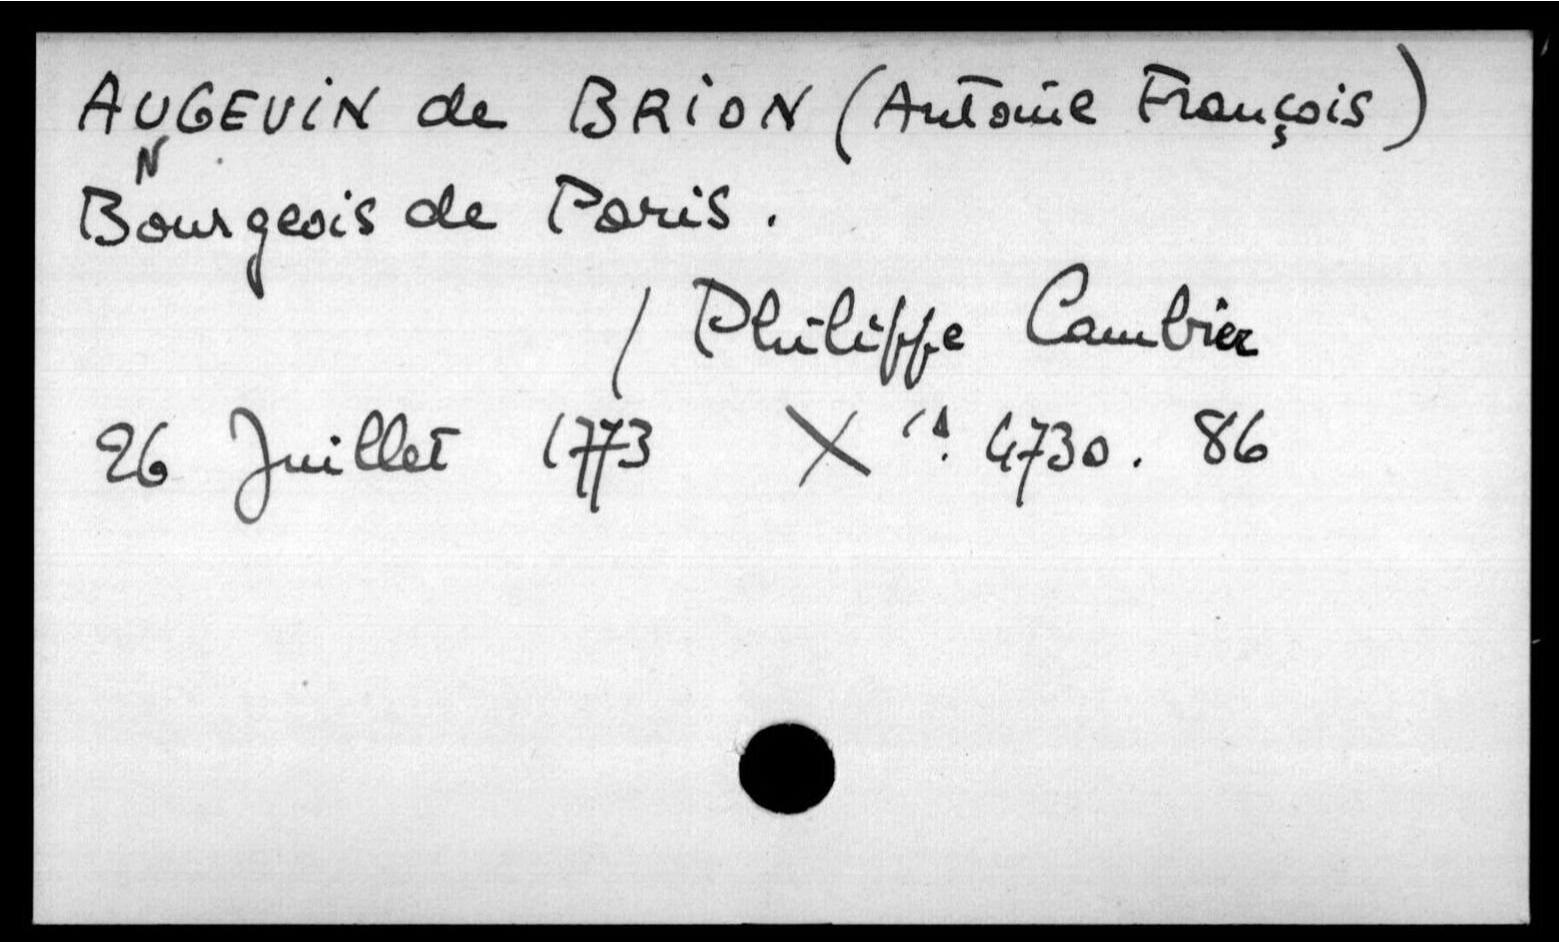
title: ANGEVIN de BRION (Antoine François) Bourgeois de Paris.
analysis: Contre Philippe Cambrier
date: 26 juillet 1773
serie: X1A
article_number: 4730
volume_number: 86
